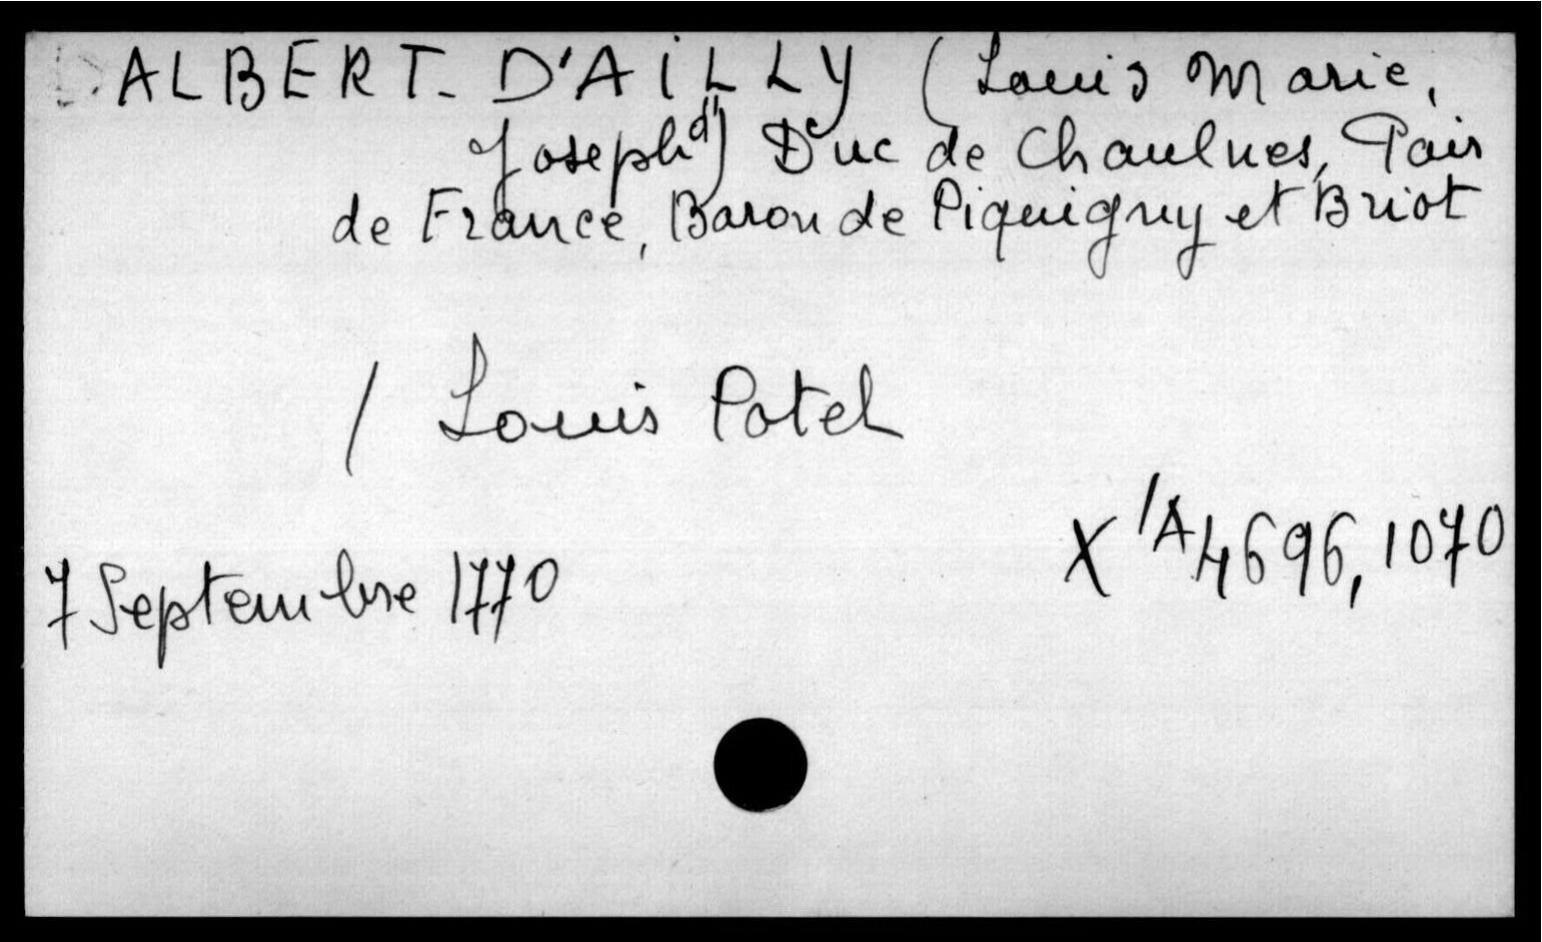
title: ALBERT D'AILLY (Louis Marie Joseph d') Duc de Chaulnes, Pair de France, Baron de Piquigny et Briot
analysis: Contre Louis Potel
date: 7 septembre 1770
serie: X1A
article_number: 4696
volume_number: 1070
